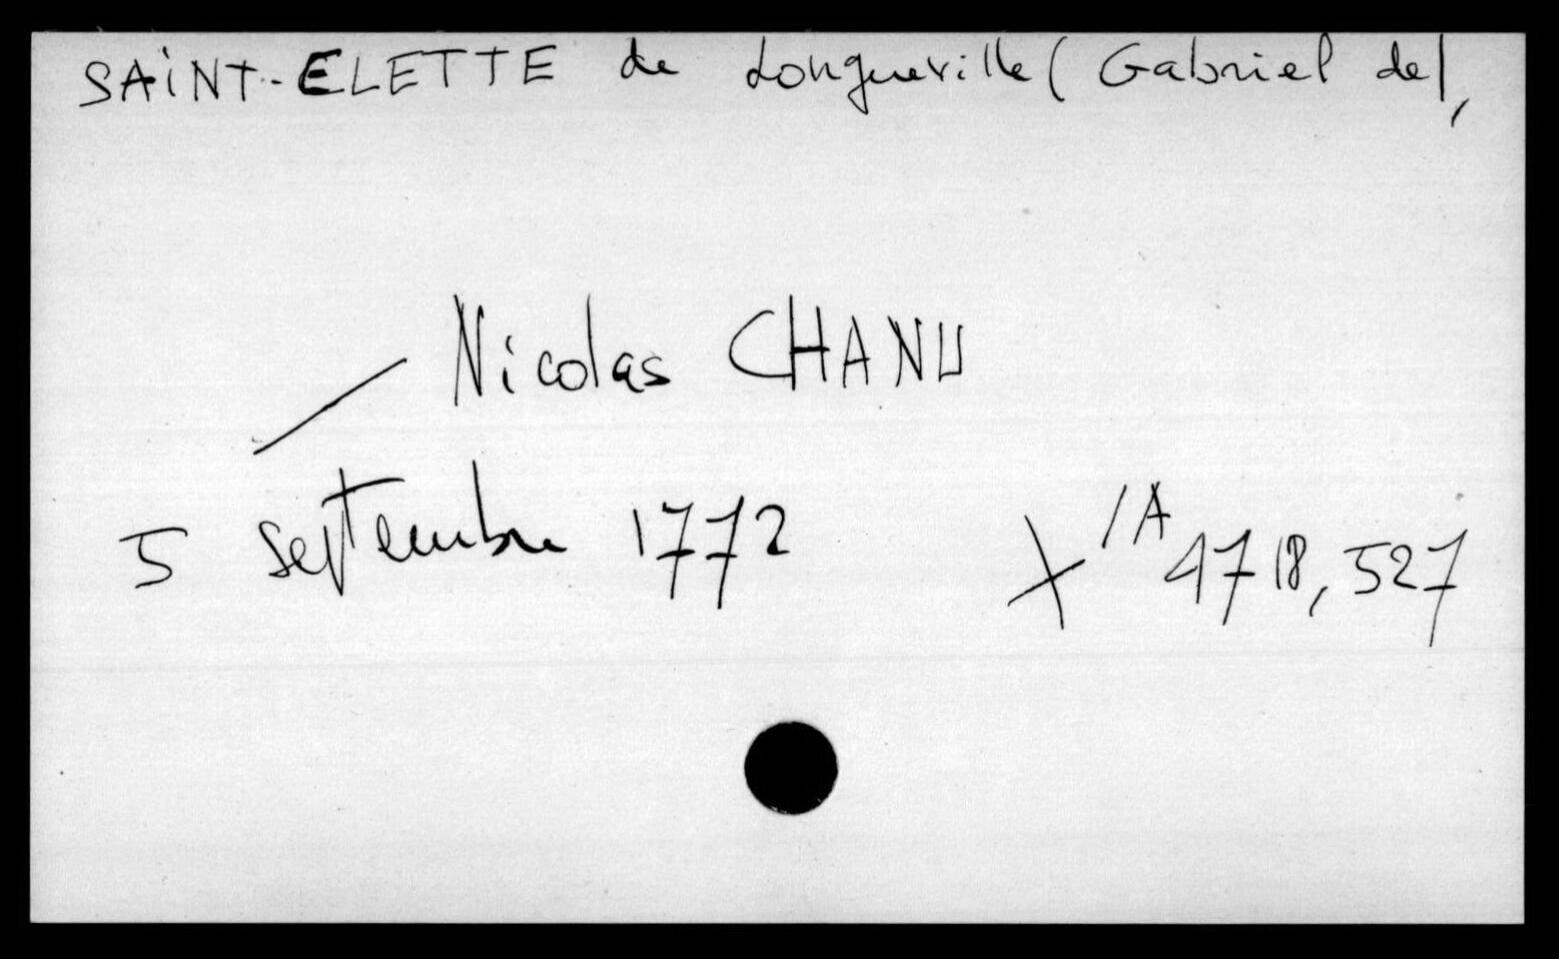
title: SAINT-ELETTE de Longueville (Gabriel de),
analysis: Contre Nicolas CHANU
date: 5 septembre 1772
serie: X1A
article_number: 4718
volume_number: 527
